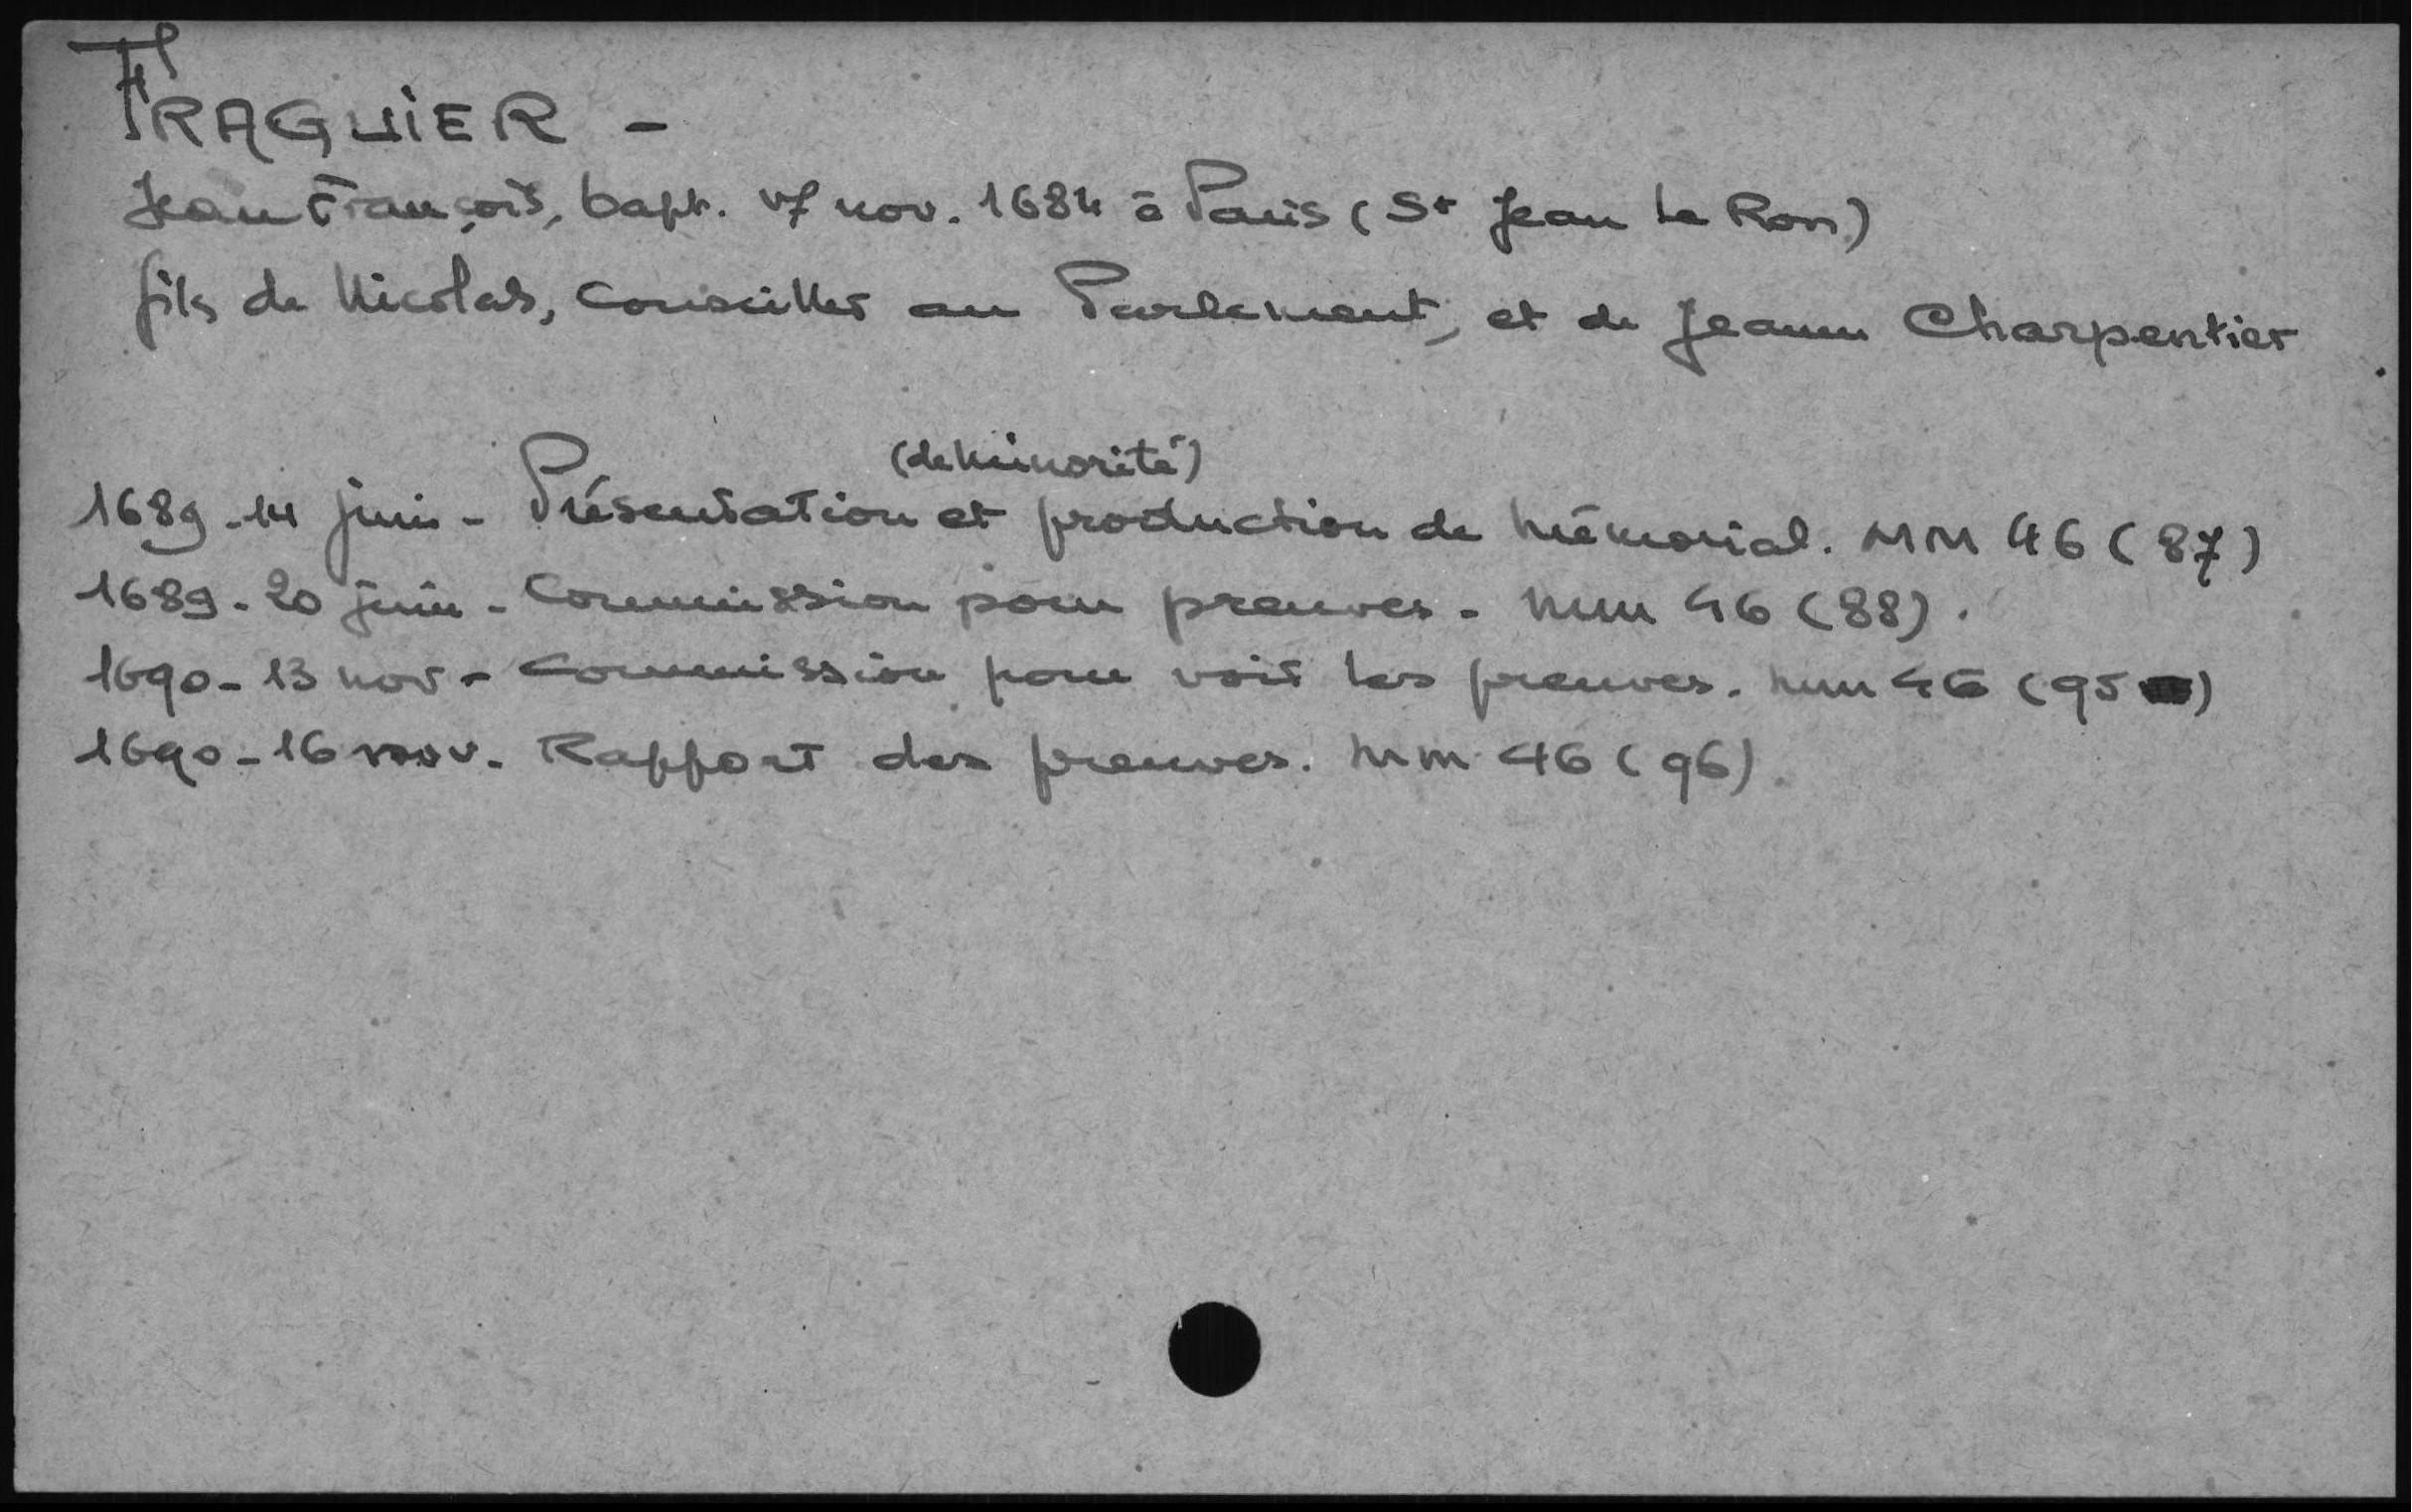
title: FRAGUIER, Jean François, baptisé 17 novembre 1684 à Paris (Saint Jean le Ron), fils de Nicolas, conseiller au Parlement, et de Jeanne Charpentier
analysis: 1689, 14 juin. Présentation (de minorité) et production de mémorial. MM 46 (87) 1689, 20 juin. Commission pour preuves. MM 46 (88) 1690, 13 novembre Commission pour voir les preuves. MM 46 (95) 1690, 16 novembre Rapport des preuves. MM 46 (96)
